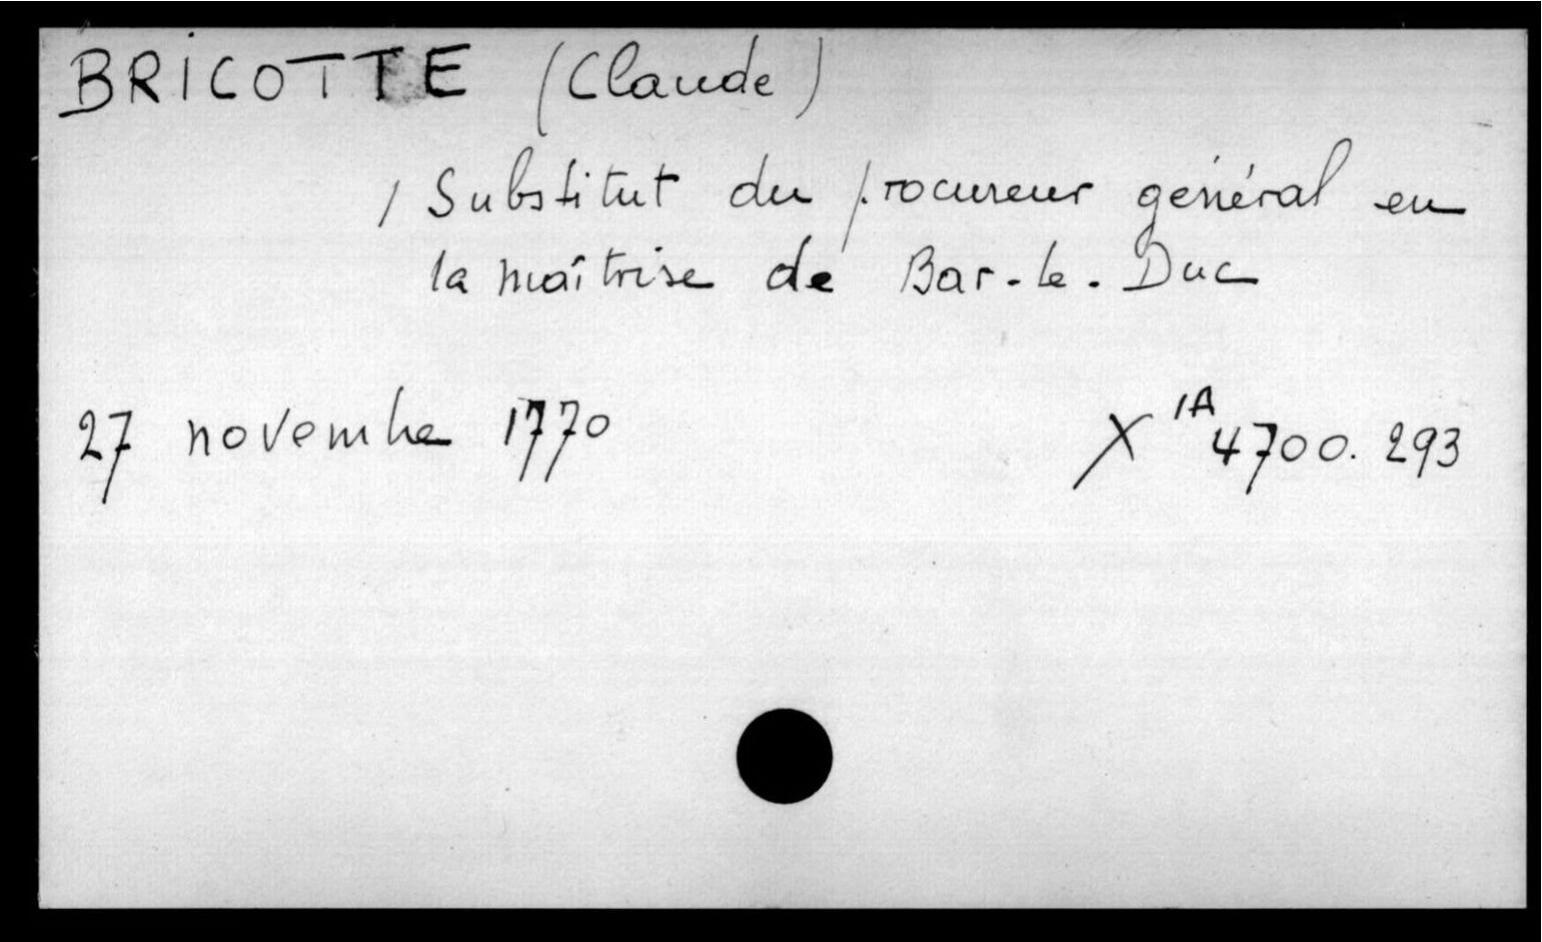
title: BRICOTTE (Claude) Contre Substitut du procureur général en la maîtrise de Bar-le-Duc
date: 27 novembre 1770
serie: X1A
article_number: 4700
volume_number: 293
